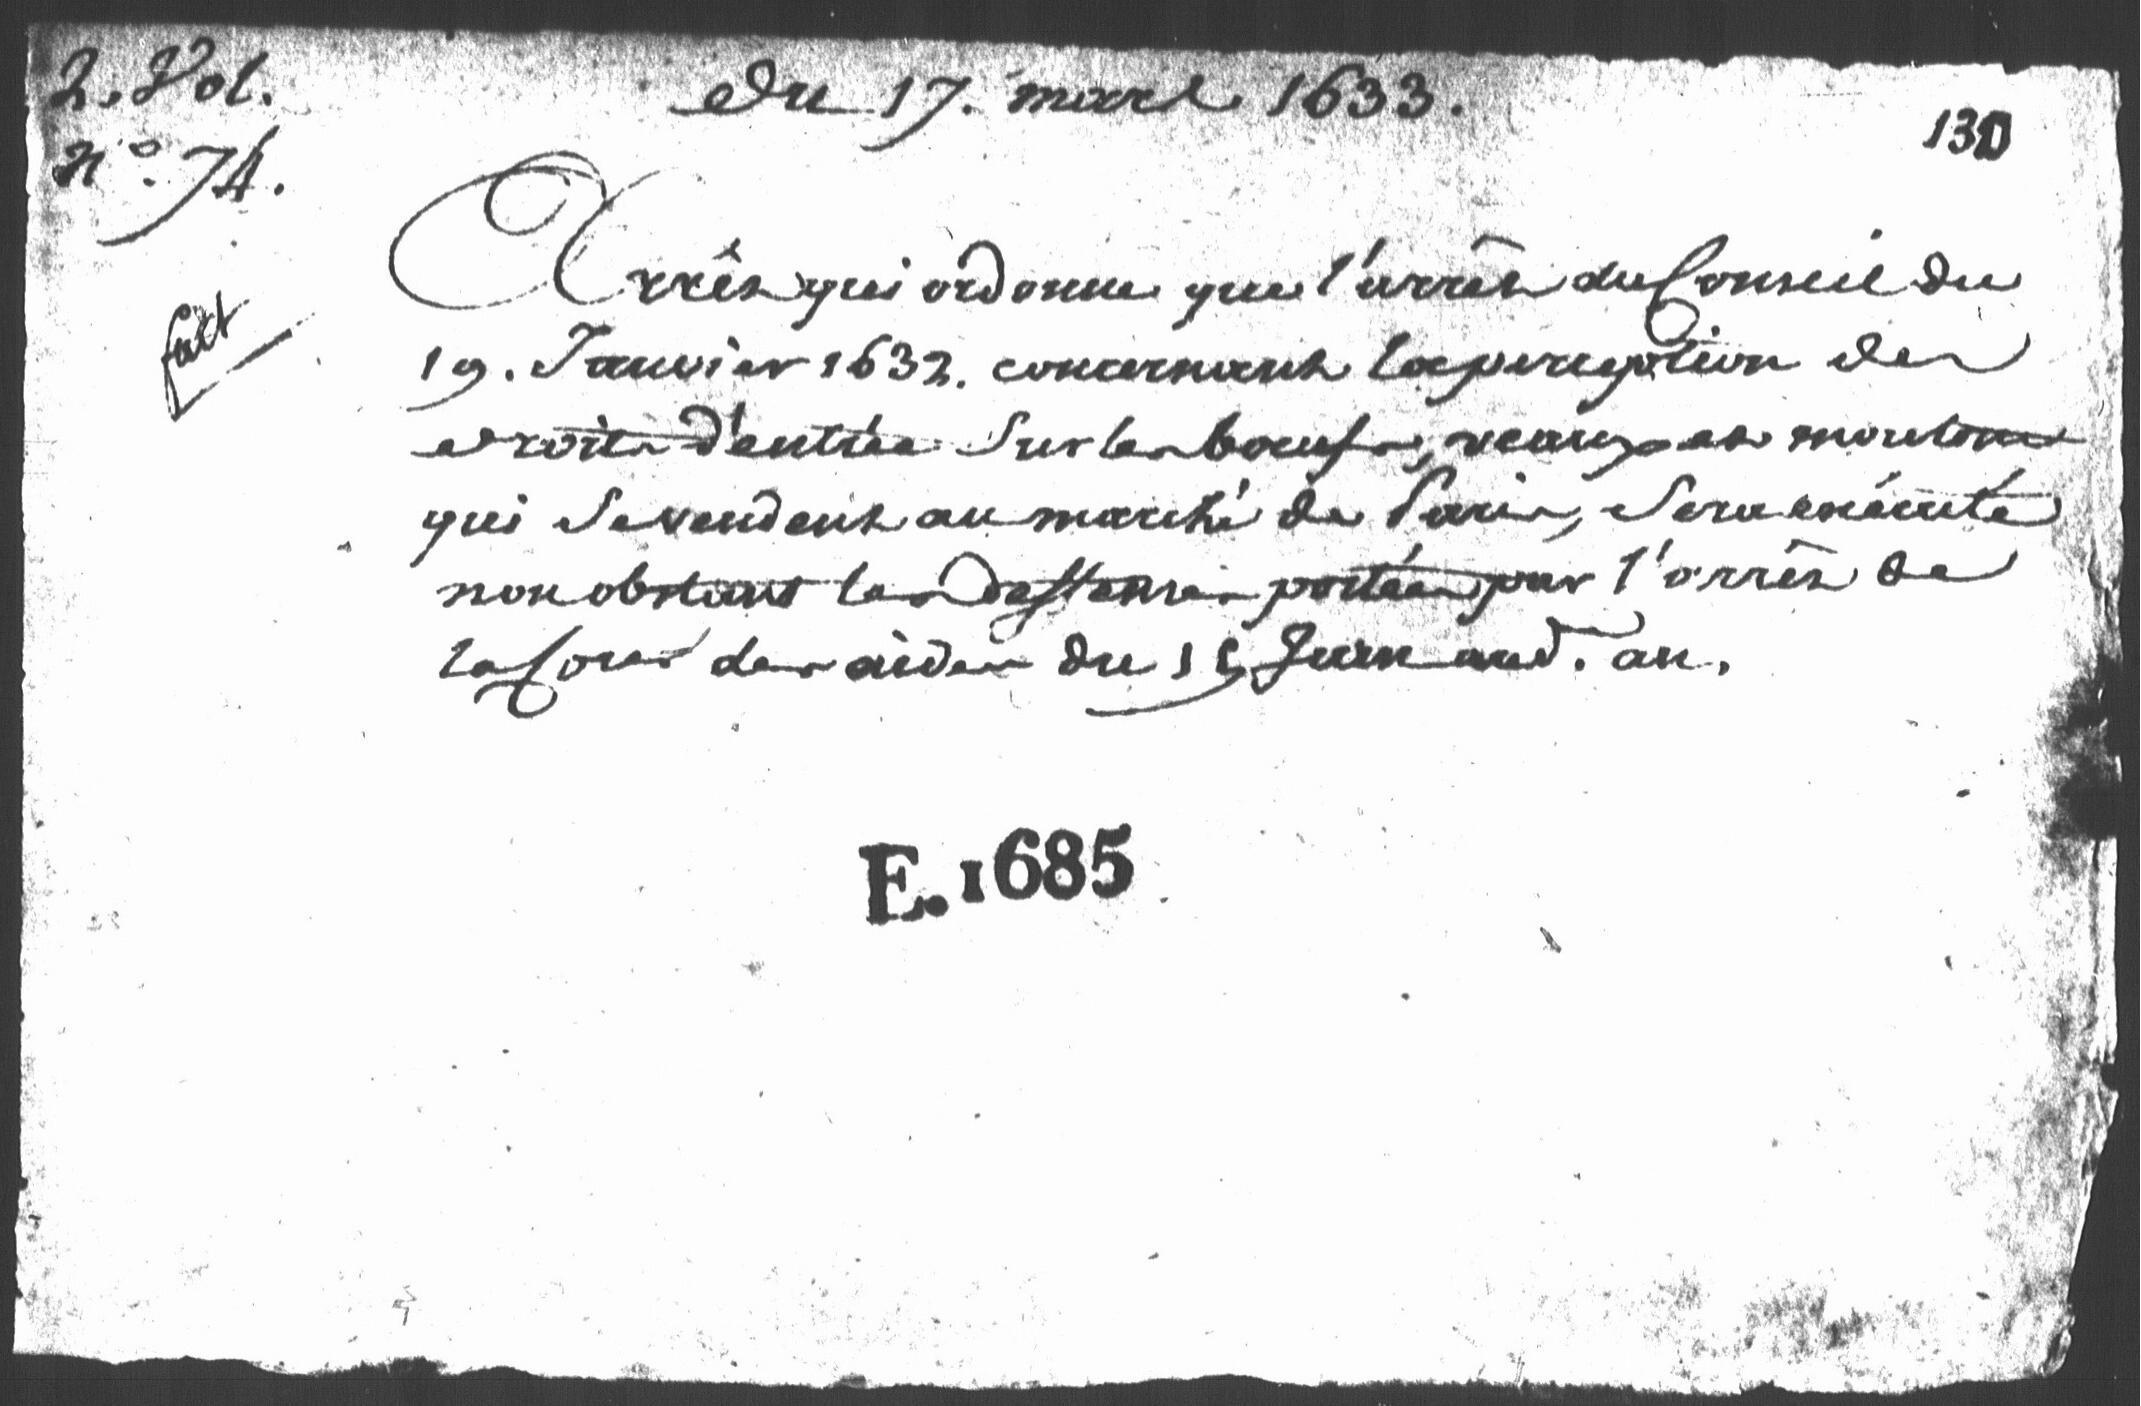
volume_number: n°74
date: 17 mars 1633
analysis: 130
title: Arrêt qui ordonne que l'arrêt du Conseil du 19 janvier 1632 concernant la perception des droits d'entrée sur les boeufs, veaux et moutons qui se vendent au marché de Paris, sera exécuté nonobstant les deffenses portées par l'arrêt de la Cour des aides du 15 juin aud. an.
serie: E
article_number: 1685
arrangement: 2. vol.
